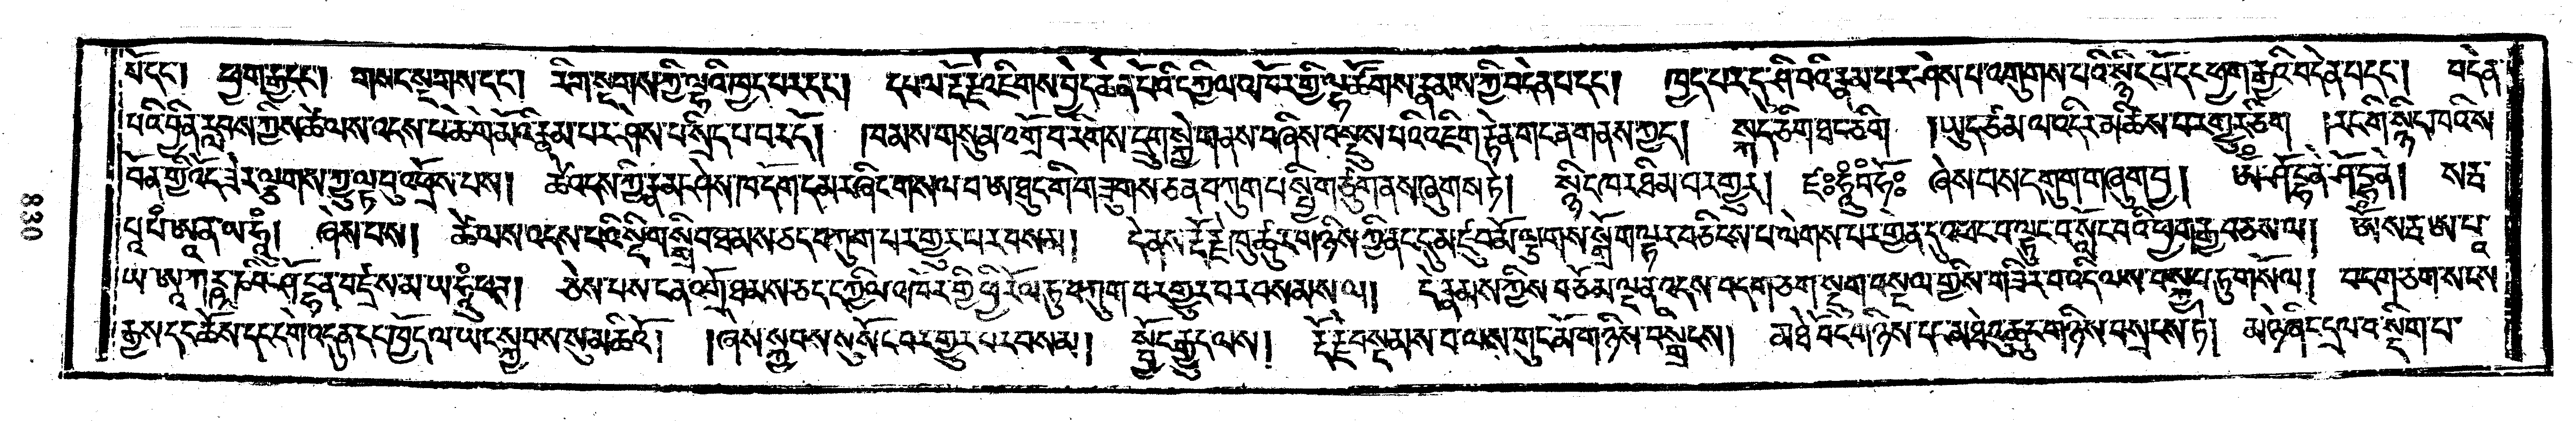པོ་དང་། ཕྱག་རྒྱ་དང་། གསང་སྔགས་དང་། རིག་སྔགས་ཀྱི་ལྷའི་ཁྱད་པར་དང་། དཔལ་རྡོ་རྗེ་འཇིགས་བྱེད་ཆེན་པོའི་དཀྱིལ་འཁོར་གྱི་ལྷ་ཚོགས་རྣམས་ཀྱི་བདེན་པ་དང་མཁྱད་པར་དུ་དུ་ཤི་བའི་རྣམ་པར་ཤེས་པ་འགུགས་པའི་སྙིང་པོ་དང་ཕྱག་རྒྱའི་བདེན་པ་དང་། བདེན་
པའི་བྱིན་རླབས་ཀྱིས་ཚེ་ལས་འདས་པ་ཆེ་གེ་མོའི་རྣམ་པར་ཤེས་པ་སྲིད་པ་བར་དོ། ཁམས་གསུམ་འགྲོ་བ་རིགས་དྲུག་སྐྱེ་གནས་བཞིས་བསྡུས་པའི་འཇིག་རྟེན་གང་ན་གནས་ཀྱང་། སྐད་ཅིག་ཐང་ཅིག །ཡུང་ཙམ་ལ་འདིར་མཚིས་བར་གྱུར་ཅིག །རང་གི་སྙིང་ཁའི་ས་
བོན་གྱི་འོད་ཟེར་ལྕགས་ཀྱུ་ལྟ་བུ་འཕྲོས་པས། ཚེ་འདས་ཀྱི་རྣམ་ཤེས་ཁ་དོག་དམར་ཞིང་གསལ་བ་ཨ་ཐུང་གི་གཟུགས་ཅན་བཀུག་པ་སྤྱི་གཙུག་ནས་ཞུགས་ཏེ། སྙིང་ཁར་ཐིམ་བར་གྱུར། ཛཿཧཱུཾ་བཾ་ཧོཿཞེས་བསང་གུག་གཞུག་བྱ། ཨོཾ་ཤོ་དྷ་ནེ་ཤོ་དྷ་ནེ། སརྦ་
པཱ་པཾ་ཨཱ་ན་ཡ་ཧཱུཾ། ཞེས་པས། ཚེ་ལས་འདས་པའི་སྡིག་སྒྲིབ་ཐམས་ཅད་བཀུག་པར་གྱུར་པར་བསམ། དེ་ནས་རྡོ་རྗེ་ཁུ་ཚུར་གཉིས་ཀྱི་ནང་དུ་མཛུབ་མོ་ལྕགས་སྒྲོག་ལྟར་བཅིངས་པ་ལེགས་པར་གྱེན་དུ་འཕང་བ་ལྟུང་བ་སློང་བའི་ཕྱག་རྒྱ་བཅས་ལ། ཨོཾ་སརྦ་ཨ་པཱ་
ཡ་ཨཱ་ཀརྵ་ཎ་བི་ཤོ་དྷ་ན་བཛྲ་ས་མ་ཡ་ཧཱུཾ་ཕཊ། ཅེས་པས་ངན་འགྲོ་ཐམས་ཅད་དཀྱིལ་འཁོར་གྱི་ཕྱི་རོལ་ཏུ་བཀུག་བར་གྱུར་བར་བསམས་ལ། དེ་རྣམས་ཀྱིས་བཅོམ་ལྡན་འདས་བདག་ཅག་སྡུག་བསྔལ་གྱིས་གཟིར་བ་འདི་ལས་བསྐྱབ་ཏུ་གསོལ། བདག་ཅག་སངས་
རྒྱས་དང་ཆོས་དང་དགེ་འདུན་དང་ཁྱོད་ལ་ཡང་སྐྱབས་སུ་མཆིའོ། །ཞེས་སྐྱབས་སུ་སོང་བར་གྱུར་པར་བསམ། སྦྱོང་རྒྱུད་ལས། རྡོ་རྗེ་བསྔམས་བ་ལས་གུང་མོ་གཉིས་བསྒྲིངས། མཐེ་བོང་གཉིས་དང་མཐེའུ་ཆུང་གཉིས་བསྲངས་ཏེ། མཉེ་ཞིང་དྲལ་བ་སྡིག་པ་